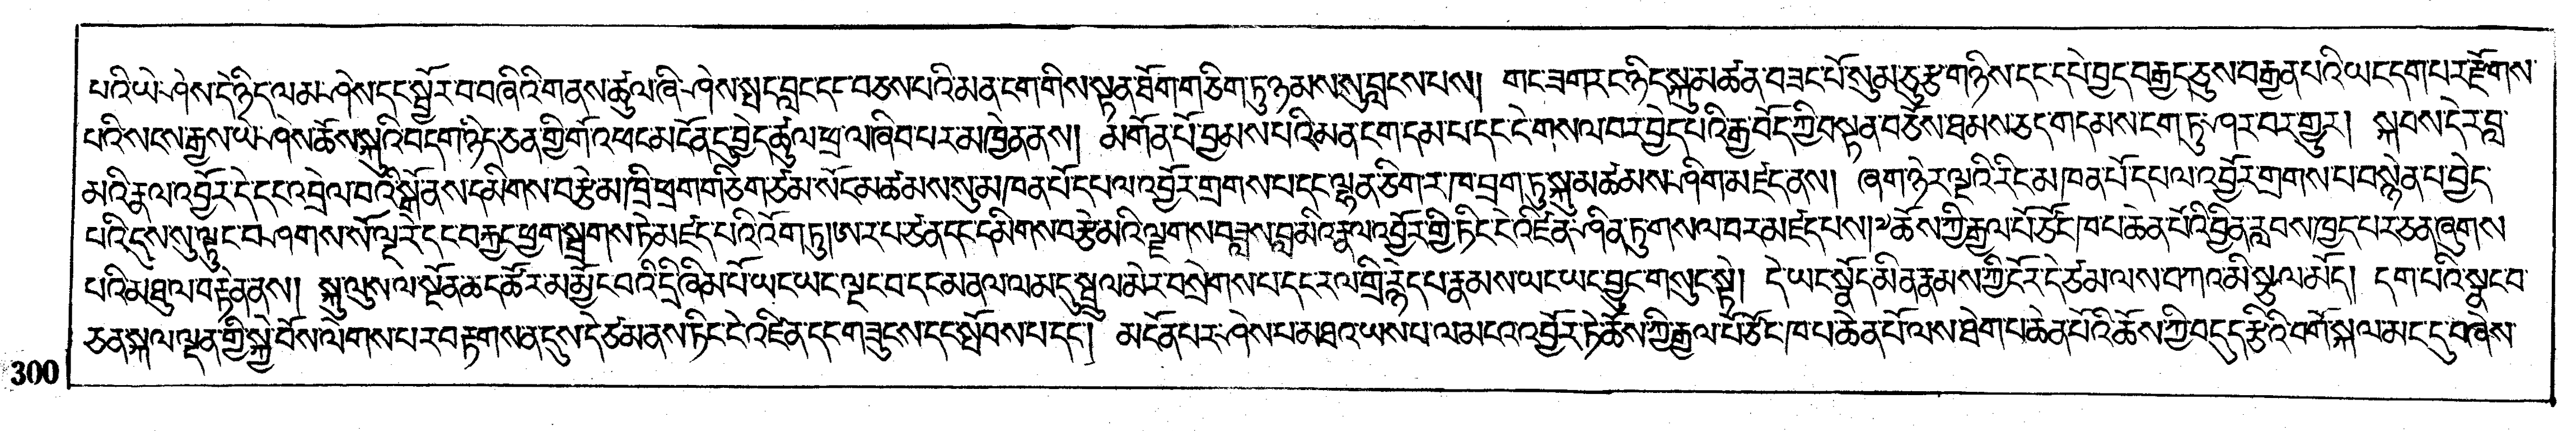པའི་ཡེ་ཤེས་དེ་ཉིད་ལམ་ཤེས་དང་སྦྱོར་བ་བཞིའི་གནས་ཚུལ་ཞི་ཤེས་སྤང་བླང་དང་བཅས་པའི་མན་ངག་གིས་སྟན་ཐོག་གཅིག་ཏུ་ཉམས་སུ་བླངས་པས། གང་ཟག་རང་ཉིད་སྐུ་མཚན་བཟང་པོ་སུམ་ཅུ་རྩ་གཉིས་དང་དཔེ་བྱད་བརྒྱད་ཅུས་བརྒྱན་པའི་ཡང་དག་པར་རྫོགས་
པའི་སངས་རྒྱས་ཡེ་ཤེས་ཆོས་སྐུའི་བདག་ཉིད་ཅན་གྱི་གོ་འཕང་མངོན་དུ་བྱེད་ཚུལ་ཕྲ་ལ་ཞིབ་པར་མཁྱེན་ནས། མགོན་པོ་བྱམས་པའི་མན་ངག་དམ་པ་དང་དེ་གསལ་བར་བྱེད་པའི་རྒྱ་བོད་ཀྱི་བསྟན་བཅོས་ཐམས་ཅད་གདམས་ངག་ཏུ་ཤར་བར་གྱུར། སྐབས་དེར་བླ་
མའི་རྣལ་འབྱོར་དེ་དང་འབྲེལ་བའི་སྒོ་ནས་དམིགས་བརྩེ་མ་ཁྲི་ཕྲག་གཅིག་ཙམ་སོང་མཚམས་སུ་མཁན་པོ་དཔལ་འབྱོར་གྲགས་པ་དང་ལྷན་ཅིག་ར་ཁ་བྲག་ཏུ་སྐུ་མཚམས་ཤིག་མཛད་ནས། ཞག་ཉེར་ལྔའི་རིང་མཁན་པོ་དཔལ་འབྱོར་གྲགས་པ་བསྙེན་པ་བྱེད་
པའི་དུས་སུ་ལྟུང་བཤགས་སོ་ལྔ་རེ་དང་བརྐྱང་ཕྱག་སྦྲགས་ཏེ་མཛད་པའི་འོག་ཏུ། ཨར་པ་ཙན་དང་དམིགས་བརྩེ་མའི་ལྗགས་བཟླས་བླ་མའི་རྣལ་འབྱོར་གྱི་ཏིང་ངེ་འཛིན་ཤིན་ཏུ་གསལ་བར་མཛད་བས། ༧་ཆོས་ཀྱི་རྒྱལ་པོ་ཙོང་ཁ་པ་ཆེན་པོའི་བྱིན་རླབས་ཁྱད་པར་ཅན་ཞུགས་
པའི་མཐུ་ལ་བརྟེན་ནས། སྐུ་ལུས་ལ་སྔོན་ཆད་ཚོར་མ་མྱོང་བའི་དྲི་ཞིམ་པོ་ཡང་ཡང་ལྡང་བ་དང་མནལ་ལམ་དུ་སྤྲུལ་མེར་བསྲེགས་པ་དང་རལ་གྲི་རྙེད་པ་རྣམས་ཡང་ཡང་བྱུང་གསུང་སྟེ། དེ་ཡང་སྣོད་མིན་རྣམས་ཀྱི་དོར་དེ་ཙམ་ལས་བཀའ་མི་སྩལ་མོད། དག་པའི་སྣང་བ་
ཅན་སྐལ་ལྡན་གྱི་སྐྱེ་བོས་ལེགས་པར་བརྟགས་ན་དུས་དེ་ཙམ་ནས་ཏིང་ངེ་འཛིན་དང་གཟུངས་དང་སྤོབས་པ་དང་། མངོན་པར་ཤེས་པ་མཐའ་ཡས་པ་ལ་མངའ་འབྱོར་ཏེ་ཆོས་ཀྱི་རྒྱལ་པོ་ཙོང་ཁ་པ་ཆེན་པོ་ལས་ཐེག་པ་ཆེན་པོའི་ཆོས་ཀྱི་བདུད་རྩིའི་བགོ་སྐལ་མང་དུ་བཞེས་